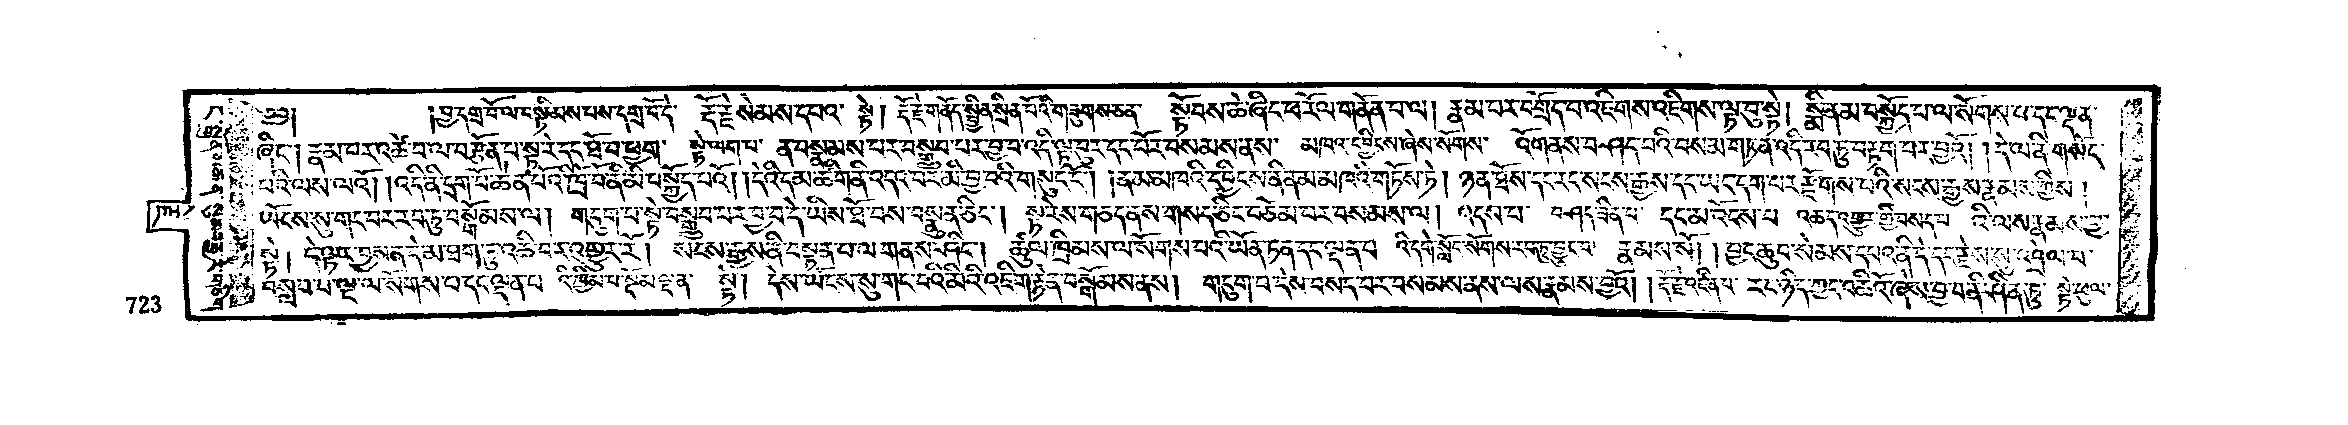༄༅། ། བྱ་དགྲ་བོ་ལ་བསྟིམས་པས་དགྲ་བོ་དེ་རྡོ་རྗེ་སེམས་དཔའ་སྟེ། རྡོ་རྗེ་གནོད་སྦྱིན་སྲིན་པོའི་གཟུགས་ཅན་སྟོབས་ཆེ་ཞིང་ཕ་རོལ་གནོན་པ་ལ། རྣམ་པར་བགྲོད་པ་འཇིགས་འཇིགས་ལྟ་བུ་སྟེ། སྨིན་མ་བསྐྱོད་པ་ལ་སོགས་པ་དང་ལྡན་
ཞིང་། རྣམ་པར་འཚེ་བ་ལ་བརྩན་པ་སྟ་རེ་དང་ཐོ་བ་ཕྱག་སྟེ་ལག་པ་ན་བསྣམས་པར་བསྒྲུབ་པར་བྱ་བ་འདི་ལྟ་བུར་དང་པོར་བསམས་ནས་མཁའ་དབྱིངས་ཞེས་སོགས་འོག་ནས་བཤད་པའི་བསམ་གཏན་འདི་རབ་ཏུ་བརྟག་པར་བྱའོ། །དེ་ལ་ནི་གསོད་
པའི་ལས་ལའོ། །འདི་ནི་དྲག་པོ་ཆེན་པོའི་ཁྲོ་བོ་ནི་མི་བསྐྱོད་པའོ། །དེའི་དམ་ཚིག་ནི་འདའ་བར་མི་བྱ་བའི་གསུང་ངོ། །ནམ་མཁའི་དབྱིངས་ནི་ནམ་མཁའི་གཏོས་ཏེ། ཉན་ཐོས་དང་རང་སངས་རྒྱས་དང་ཡང་དག་པར་རྫོགས་པའི་སངས་རྒྱས་རྣམས་ཀྱིས།
ཡོངས་སུ་གང་བར་རབ་ཏུ་བསྒོམས་ལ། གདུག་པ་སྟེ་བསྒྲུབ་པར་བྱ་བ་དེ་ཡིས་ཐོ་བས་བསྣུན་ཅིང་། སྟ་རེས་གཅད་ནས་གསད་ཅིང་བཅོམ་པར་བསམས་ལ། འདས་པ་བཤད་ཟིན་པ་དང་མ་འོངས་པ་འཆད་འགྱུར་གྱི་བསད་པ་འི་ལས་རྣམས་བྱ་
སྟེ། དེ་ལྟར་བྱས་ན་དེ་མ་ཐག་ཏུ་འཆི་བར་འགྱུར་རོ། སངས་རྒྱས་ནི་བསྟན་པ་ལ་གནས་ཤིང་། ཚུལ་ཁྲིམས་ལ་སོགས་པའི་ཡོན་ཏན་དང་ལྡན་པ་འི་དགེ་སློང་སོགས་རབ་ཏུ་བྱུང་བ་རྣམས་སོ། །བྱང་ཆུབ་སེམས་དཔའ་ནི་དེ་དང་རྗེས་སུ་འབྲེལ་བ་
བསླབ་པ་ལྔ་ལ་སོགས་པ་དང་ལྡན་པ་འི་ཁྱིམ་པ་སྡོམ་ལྡན་སྟེ། དེས་ཡོངས་སུ་གང་བའི་མིའི་འཇིག་རྟེན་བསྒོམས་ནས། གདུག་པ་དེས་བསད་པར་བསམས་ནས་ལས་རྣམས་བྱའོ། ། རྡོ་རྗེ་འཛིན་པ་རང་ཉིད་ཀྱང་འཆིའོ་ཞེས་བྱ་བ་ནི་ཤིན་ཏུ་སྟེ་ཕུལ་